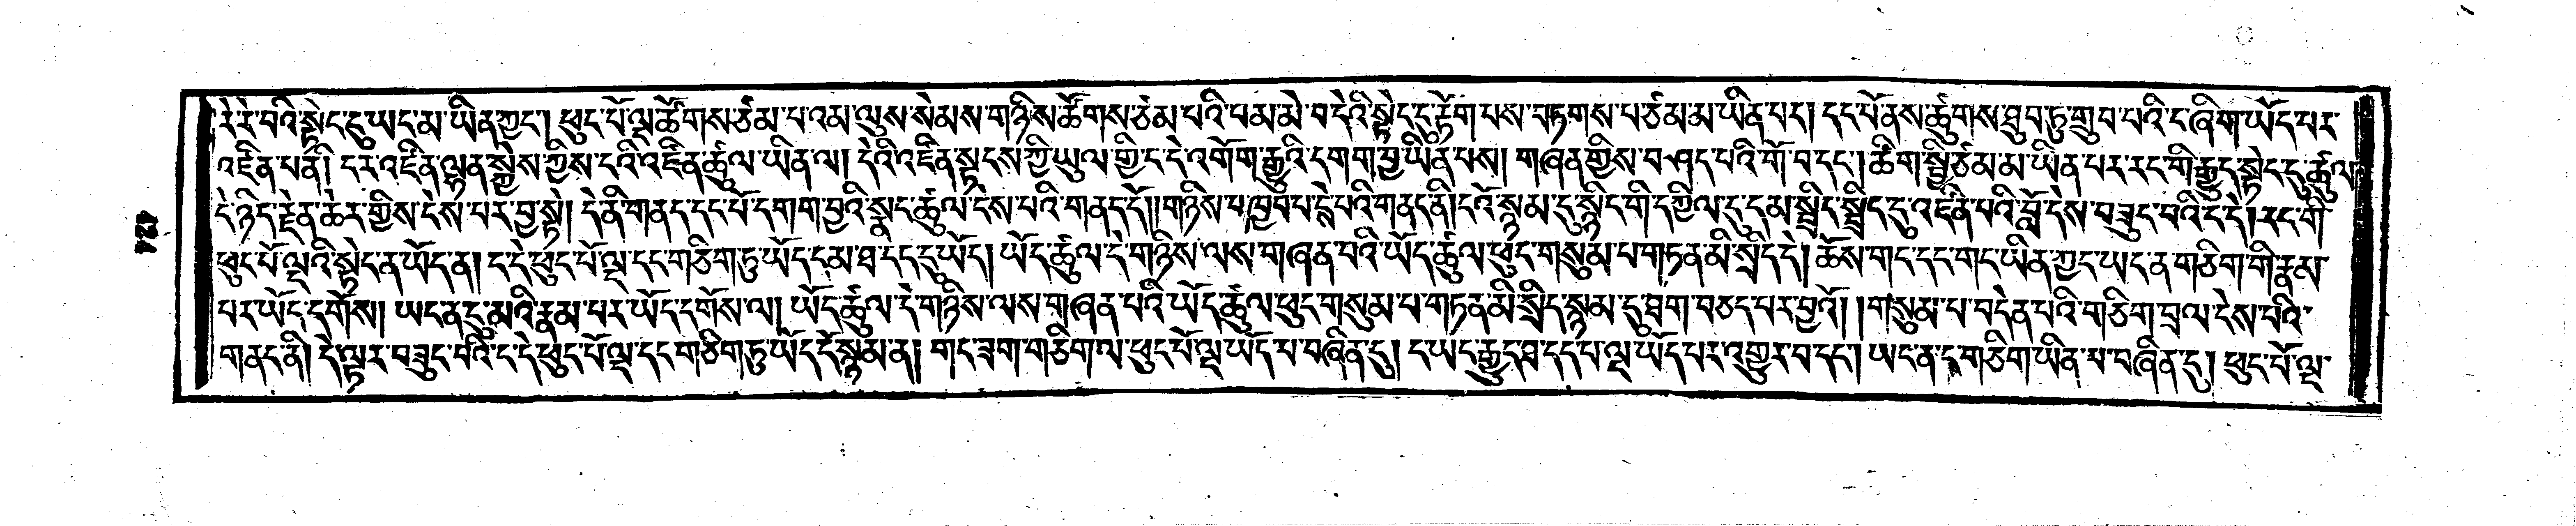རེ་རེ་བའི་སྟེང་དུ་ཡང་མ་ཡིན་ཀྱང་། ཕུང་པོ་ལྔ་ཚོགས་ཙམ་པའམ་ལུས་སེམས་གཉིས་ཚོགས་ཙམ་པའི་བམ་མེ་བ་དེའི་སྟེང་དུ་རྟོག་པས་བཏགས་པ་ཙམ་མ་ཡིན་པར། དང་པོ་ནས་ཚུགས་ཐུབ་ཏུ་གྲུབ་པའི་ང་ཞིག་ཡོད་པར་
འཛིན་པ་ནི། ངར་འཛིན་ལྷན་སྐྱེས་ཀྱིས་ངའི་འཛིན་ཚུལ་ཡིན་ལ། དེའི་འཛིན་སྟངས་ཀྱི་ཡུལ་གྱི་ང་དེ་འགོག་རྒྱུའི་དགག་བྱ་ཡིན་པས། གཞན་གྱིས་བཤད་པའི་གོ་བ་དང་། ཚིག་སྤྱི་ཙམ་མ་ཡིན་པར་རང་གི་རྒྱུད་སྟེང་དུ་ཚུལ་
དེ་ཉིད་རྗེན་ཆེར་གྱིས་ངེས་པར་བྱ་སྟེ། དེ་ནི་གནད་དང་པོ་དགག་བྱའི་སྣང་ཚུལ་ངེས་པའི་གནད་དོ། །གཉིས་པ་ཁྱབ་པ་ངེས་པའི་གནད་ནི། ངའོ་སྙམ་དུ་སྙིང་གི་དཀྱིལ་དུ་དམ་སྦྲིང་སྦྲིང་དུ་འཛིན་པའི་བློ་དེས་བཟུང་བའི་ང་དེ། རང་གི་
ཕུང་པོ་ལྔའི་སྟེང་ན་ཡོད་ན། ང་དེ་ཕུང་པོ་ལྔ་དང་གཅིག་ཏུ་ཡོད་དམ་ཐ་དད་དུ་ཡོད། ཡོད་ཚུལ་དེ་གཉིས་ལས་གཞན་པའི་ཡོད་ཚུལ་ཕུང་གསུམ་པ་གཏན་མི་སྲིད་དེ། ཆོས་གང་དང་གང་ཡིན་ཀྱང་ཡང་ན་གཅིག་གི་རྣམ་
པར་ཡོད་དགོས། ཡང་ན་དུ་མའི་རྣམ་པར་ཡོད་དགོས་ལ། ཡོད་ཚུལ་དེ་གཉིས་ལས་གཞན་པའི་ཡོད་ཚུལ་ཕུང་གསུམ་པ་གཏན་མི་སྲིད་སྙམ་དུ་ཐག་བཅད་པར་བྱའོ། །གསུམ་པ་བདེན་པའི་གཅིག་བྲལ་ངེས་པའི་
གནད་ནི། དེ་ལྟར་བཟུང་བའི་ང་དེ་ཕུང་པོ་ལྔ་དང་གཅིག་ཏུ་ཡོད་དོ་སྙམ་ན། གང་ཟག་གཅིག་ལ་ཕུང་པོ་ལྔ་ཡོད་པ་བཞིན་དུ། ང་ཡང་རྒྱུད་ཐ་དད་པ་ལྔ་ཡོད་པར་འགྱུར་བ་དང་། ཡང་ན་ང་གཅིག་ཡིན་པ་བཞིན་དུ། ཕུང་པོ་ལྔ་